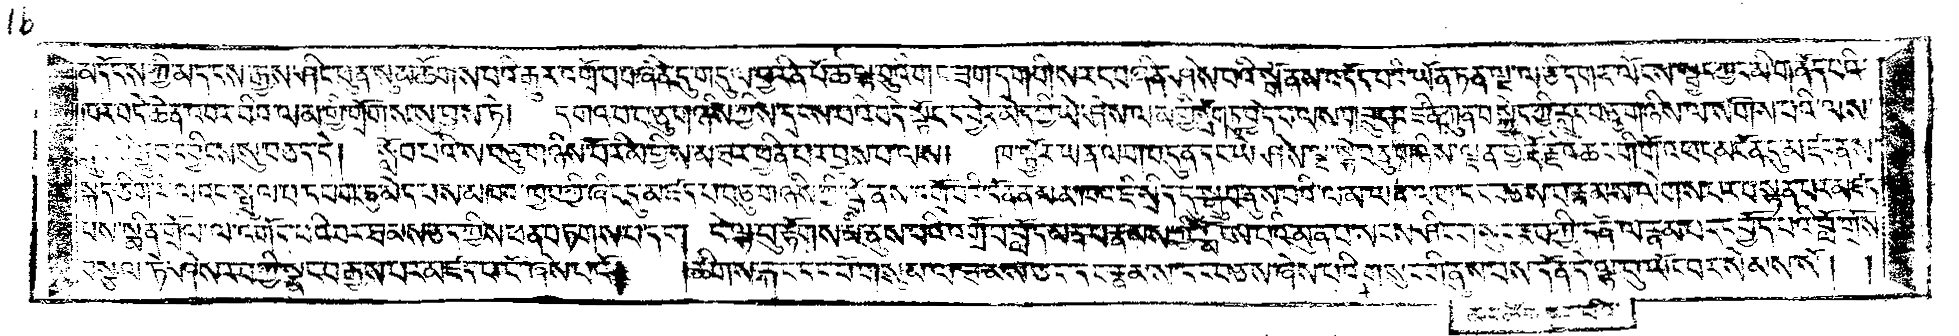མདོངས་ཀྱི་མདངས་རྒྱས་ཤིང་ཕུན་སུམ་ཚོགས་པའི་རྒྱུར་འགྲོ་བ་བཞིན་དུ་གདུལ་བྱ་རིན་པོ་ཆེ་ལྟ་བུའི་གང་ཟག་དག་གིས་རང་བཞིན་ཤེས་པའི་སྒོ་ནས་འདོད་པའི་ཡོན་ཏན་ལྔ་ལ་ཅི་དགར་ལོངས་སྤྱོད་ཀྱང་མི་གནོད་པའི་
ཁར་བདེ་ཆེན་འབར་བའི་ལམ་གྱི་གྲོགས་སུ་བྱས་ཏེ། དགའ་བ་བཅུ་གཉིས་ཀྱིས་དྲངས་པའི་བདེ་སྟོང་དབྱེར་མེད་ཀྱི་ཡེ་ཤེས་ལམ་གྱི་སྲོག་ཏུ་བྱེད་པ་ལས་གཟུང་འཛིན་ཀུན་བསྐྱེད་ཀྱི་རླུང་བཅུ་གཉིས་ལ་སོགས་པའི་ལས་
རླུང་གི་རྒྱུབ་དབྱིངས་སུ་བཅད་དེ། སློབ་པའི་ས་བཅུ་གཉིས་པོ་རིམ་གྱིས་མཐར་ཕྱིན་པར་བྱས་པ་ལས། ཁ་སྦྱོར་ཡན་ལག་བདུན་དང་ཡེ་ཤེས་ལྔ་སྟེ་བཅུ་གཉིས་ལྡན་གྱི་རྡོ་རྗེ་འཆང་གི་གོ་འཕང་མངོན་དུ་མཛད་ནས་
སྐད་ཅིག་རེ་ལའང་སྤྲུལ་པ་དཔག་ཏུ་མེད་པས་མཁའ་ཁྱབ་ཀྱི་ཞིང་དུ་མཛད་པ་བཅུ་གཉིས་ཀྱི་སྒོ་ནས་འགྲོ་བའི་དོན་ནམ་མཁའ་ཇི་སྲིད་དུ་སྒྲུབ་ནུས་པའི་ལམ་ཡན་ལག་དང་བཅས་པ་རྣམས་ལེགས་པར་བསྟན་པར་མཛད་
པས་སྨིན་གྲོལ་ལ་འགོད་པའི་བར་ཐམས་ཅད་ཀྱིས་ཕན་བཏགས་པ་དང་། དེ་ལྟ་བུ་རྟོགས་མི་ནུས་པའི་འགྲོ་བ་བློ་དམན་པ་རྣམས་ཀྱི་རྨོངས་པའི་མུན་པ་སངས་ཤིང་གསུང་རབ་ཀྱི་དོན་ལ་རྣམ་པར་དཔྱོད་པའི་བློ་གྲོས་
བསྩལ་ཏེ་ཤེས་རབ་ཀྱི་སྣང་བ་རྒྱས་པར་མཛད་པ་པོ་ཞེས་པའོ། །ཚིགས་རྐང་དང་པོ་གསུམ་ལ་ཐམས་ཅད་དང་རྣམས་དང་བཅས་ཞེས་པའི་མང་ཚིག་སྦྱར་བའི་གསུང་གི་ནུས་པས་དོན་དེ་ལྟ་བུ་ཡོང་བར་སེམས་སོ། །